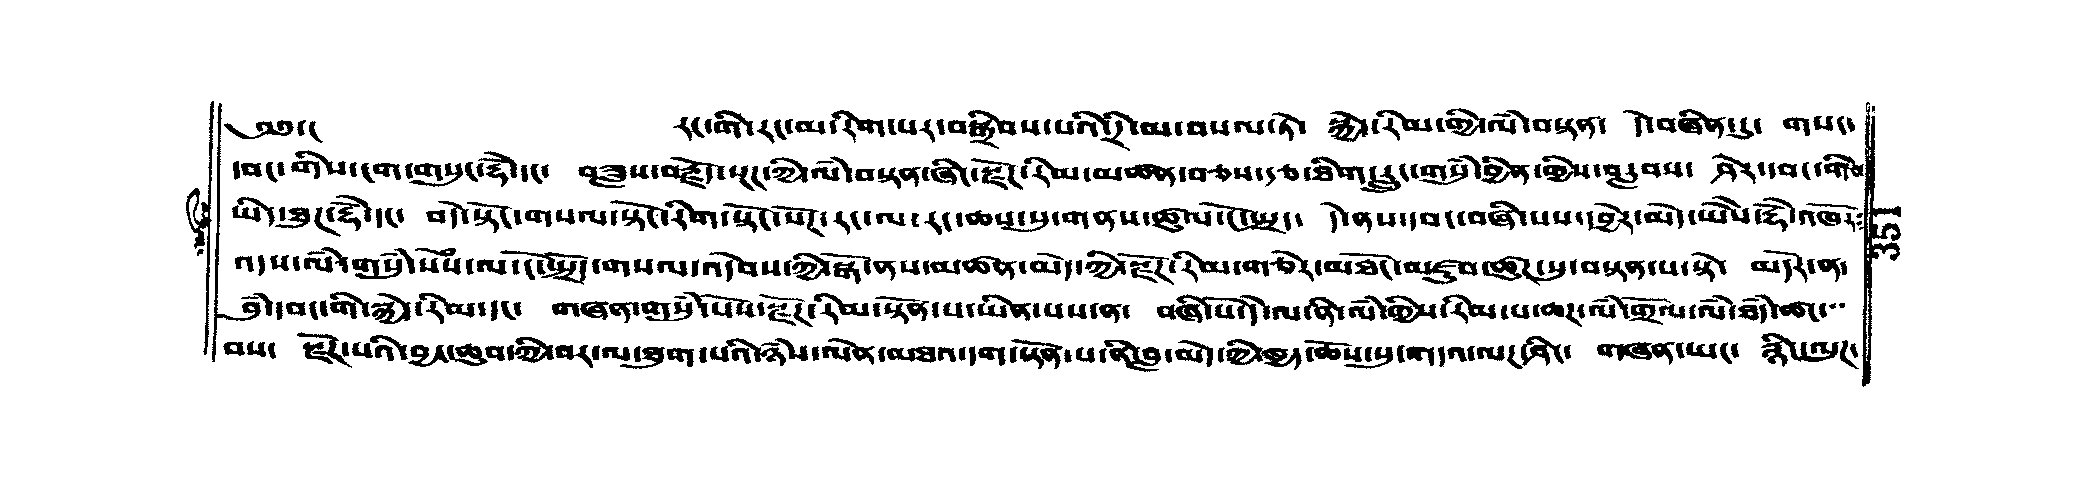རང་གི་རང་མ་རིག་པར་བསྒྲིབས་པའི་དྲི་མ་བསལ་ཏེ། བསྐྱེད་རིམ་གྱི་ལམ་བསྟན། དེ་བཞིན་དུ། གསང་
དབང་གིས་ངག་གསུང་རྡོ་རྗེ་དང་། བཟླས་བརྗོད་སྔགས་ཀྱི་ལམ་བསྟན་ཞིང་རྫོགས་རིམ་མཚན་བཅས་རྩ་ཐིག་རླུང་གསུམ་བྱིན་གྱིས་བརླབས། ཤེར་དབང་གིས་
ཡིད་ཐུགས་རྡོ་རྗེ་དང་། བདེ་སྟོང་གསལ་སྟོང་རིག་སྟོང་སོགས་རང་ལ་རང་ཆས་སུ་གནས་ཚུལ་ངོ་སྤྲད། དེ་ནས་དབང་བཞི་པས་དབྱེར་མེད་ཡེ་ཤེས་རྡོ་རྗེ་འཁོར་
འདས་ལམ་གསུམ་སེམས་ལ་ངོ་སྤྲོད་གསལ་འདེབས་ཀྱི་སྒོ་ནས་མཚན་མེད་ཀྱི་རྫོགས་རིམ་གཅེར་མཐོང་མཛུབ་ཚུགས་སུ་བསྟན་པ་སྟེ། མདོར་ན་
བུམ་དབང་གི་བསྐྱེད་རིམ་དང་། གཞན་གསུམ་པོས་རྫོགས་རིམ་སྟོན་པ་ཡིན་པས་ན། བཞི་པོ་དེ་ལ་ནི་ལམ་གྱིས་རིམ་པ་ཆགས་ལམ་གྲོལ་ལམ་ཐམས་ཅད་ཚང་
བས། རྫོགས་པའི་བྱང་ཆུབ་ཀྱི་བར་ལ་ཐུག་པའི་ཉམས་ལེན་མཐའ་དག་སྟོན་པ་ནི་བླ་མེད་ཀྱི་ཁྱད་ཆོས་སུ་གདའ་ལགས་ཤིང་། གཞན་ཡང་། རྙིང་ལུགས་